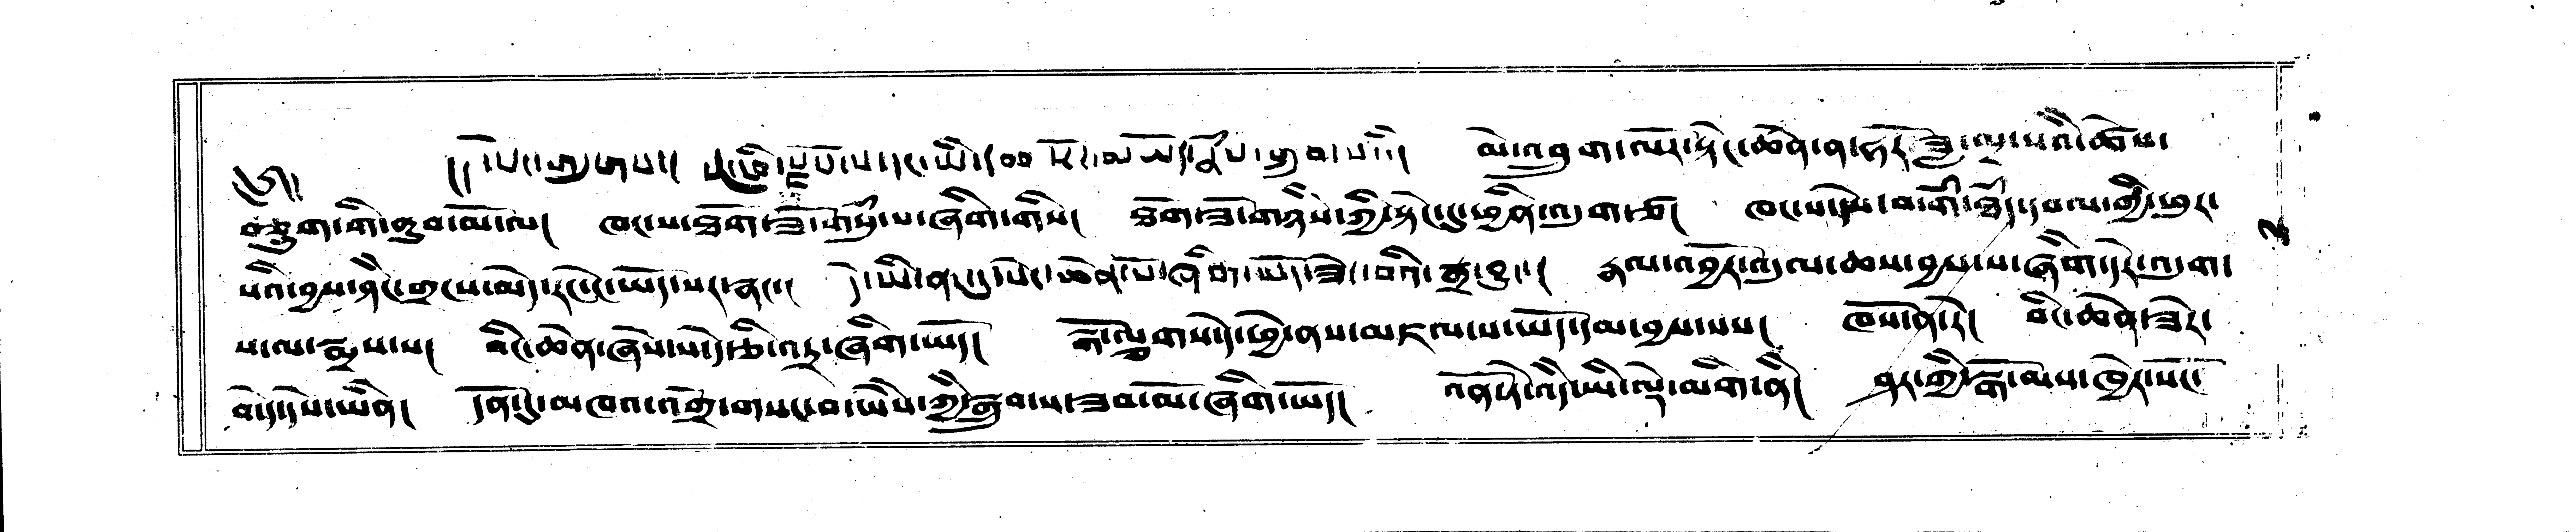༼དབུ་ནས་ཅུང་མི་གསལ༽མེ་འབྲུག་ལོར་སྟེང་ཆེན་ན་ཧོར་ཟླ་ལྔ་པའི་ཚེས་
བཅུ་དྲུག་གི་ནུབ་མོ་ལ། ཁང་པ་ཐོག་ཟོ་གསུམ་པ་ཞིག་གི་ཐོག་ཟོ་གཉིས་ཀྱི་སྟེང་དུ་ཕྱིན་འདུག་ཙ། ཁང་པ་དེས་བ་གམ་ཐམས་ཅད་དབལ་གྱི་ཕུར་
པས་བྱས་ཤིང་གྲངས་མེད་རོང་ངེ་ཡོད་པར་སྣང་། དེ་ཡི་ནང་དུ་བིང་ཆེན་པོ་ཞིག་ཡོད་ཟེར་བའི་སྒྲ་བྱུང་། རྣལ་འབྱོར་འདུལ་ཆས་བྱས་པ་ཞིག་དེར་འདུག་
པ་ལ་སྨྲས་པ། བིང་ཆེན་ཞེས་པ་དེ་ཅི་འདྲ་ཞིག་ཡོད། སྒོ་ལྕགས་དེ་ཕྱེ་ནས་མཇལ་ས་ཡོད་དམ་བྱས་པས། ཁོས་ན་རེ། བིང་ཆེན་ཟེར་
བ་དེ་དཔེ་ཡིན། དོན་དུ་མཁའ་འགྲོ་གསང་བ་ཡེ་ཤེས་ཀྱི་སྒྲུབ་པ་ཟབ་མོ་ཞིག་ཡོད། འོན་ཏེ་འདི་ཡི་ལྡེ་མིག་ནི། ཤར་གྱི་སྒོ་མས་ཁྱེར་སོང་།